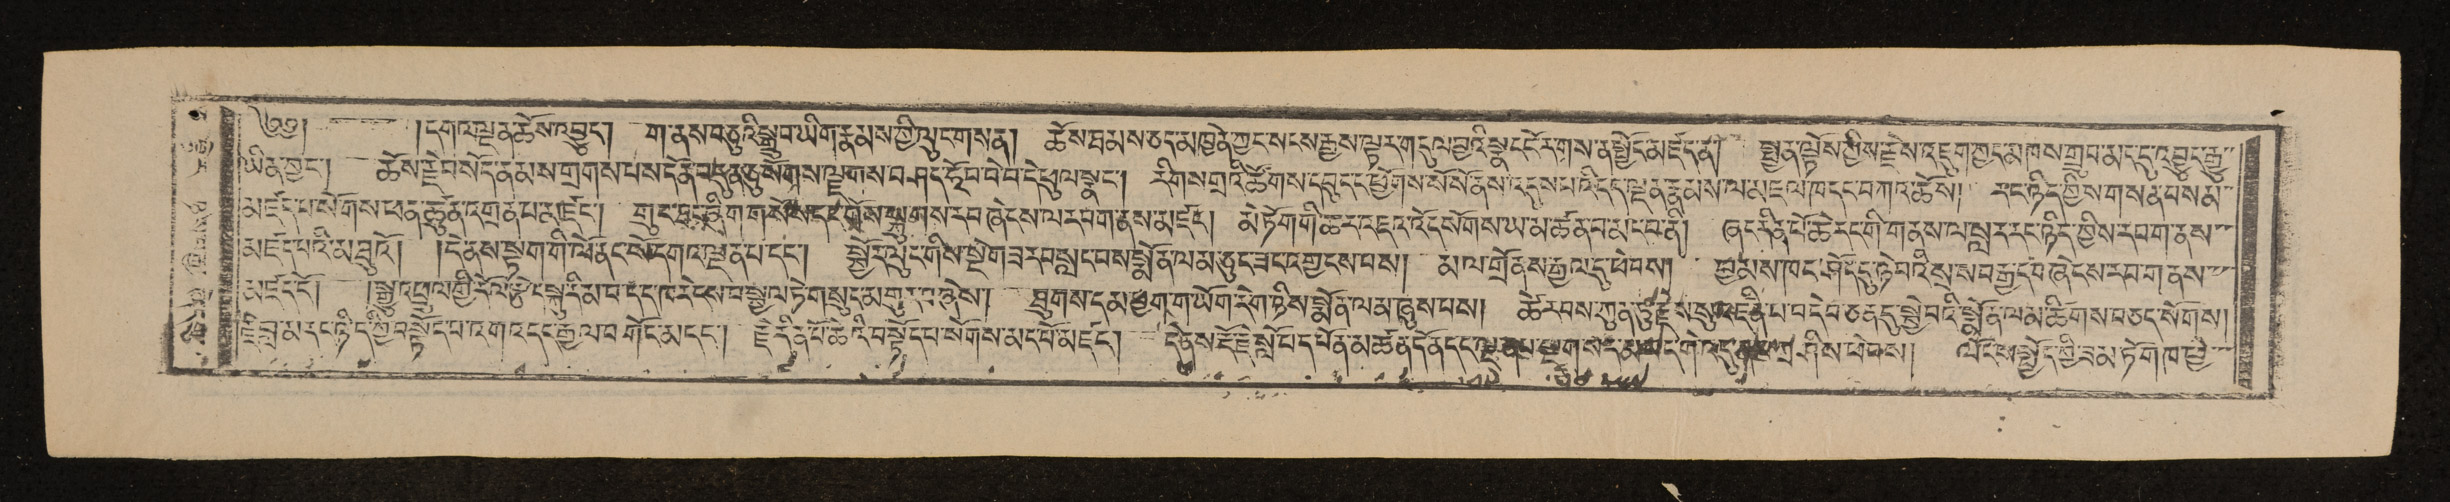༄༅། །དགའ་ལྡན་ཆོས་འབྱུང་། གནས་བཅུའི་སྒྲུབ་ཡིག་རྣམས་ཀྱི་ལུང་གསན། ཆོས་ཐམས་ཅད་མཁྱེན་ཀྱང་སངས་རྒྱས་ལྟར་གདུལ་བྱའི་སྣང་ངོར་གསན་སྦྱོང་མཛད་ན། སྤྱན་ལྟོས་ཀྱིས་རྗེས་འཇུག་ཀྱང་མཁས་གྲུབ་མང་དུ་འབྱུང་རྒྱུ་
ཡིན་ཀྱང་། ཆོས་རྗེ་བསོད་ནམས་གྲགས་པས་དོན་བདུན་ཅུ་སོགས་ལྗགས་བཤད་ཧྲོབ་བེ་བདེ་ཕུལ་སྣང་། རིགས་གྲའི་ཚོགས་དབུ་དང་ཕྱོགས་སོ་སོ་ནས་འདུས་པའི་དད་ལྡན་རྣམས་ལ་མཇལ་ཁ་དང་བཀའ་ཆོས། རང་ཉིད་ཀྱིས་གསན་བསམ་
མཛད་པ་སོགས་ཕན་ཚུན་འགྲན་པ་མཛད། གུང་ཐང་ཞིག་གསོས་དང་གོས་སྐུ་གསར་བཞེངས་ལ་རབ་གནས་མཛད། མེ་ཏོག་གི་ཆར་འཇའ་འོད་སོགས་ཡ་མཚན་བ་མང་བ་ནི། ཞང་རིན་པོ་ཆེ་རང་གི་གནས་ལ་སླར་རང་ཉིད་ཀྱིས་རབ་གནས་
མཛད་པའི་མཐུའོ། །དེ་ནས་སྟག་གི་ལོ་ནང་སོ་དགའ་ལྡན་པ་དང་། སྐྱོར་ལུང་གིས་སྡེ་གཟར་བསླང་པས་སྨོན་ལམ་ཅུང་ཟད་འགྱངས་པས། མལ་གྲོ་ནས་རྒྱལ་དུ་ཕེབས། བྱམས་ཁང་ཤོད་དུ་ཉེ་བའི་སྲས་བརྒྱད་བཞེངས་རབ་གནས་
མཛད་དོ། །སྒྱུ་འཕྲུལ་གྱི་རོལ་རྩེད་སྐུ་རིམ་པ་དང་ཁ་རེངས་བསྐྱལ་ཏེ་གསུང་མགུར་བཞེས། ཐུགས་དམ་ཕྱག་གཡོག་རེ་གཉིས་སྨོན་ལམ་ཞུས་པས། ཚེ་རབས་ཀུན་ཏུ་རྗེས་སུ་འཛིན་པ་བདེབ་ཅན་དུ་སྐྱེ་བའི་སྨོན་ལམ་ཚིགས་བཅད་སོགས།
རྗེ་བླ་མ་རང་ཉིད་ཀྱི་བསྟོད་པ་འགའ་དང་རྒྱལ་བ་གོང་མ་དང་། རྗེ་རིན་པོ་ཆེའི་བསྟོད་པ་སོགས་མང་པོ་མཛད། དེ་ནས་རྡོ་རྗེ་སློབ་དཔོན་མཚན་དོན་དང་ལྡན་པ་སྔགས་རིམ་བ་དགེ་འདུན་བཀྲ་ཤིས་ཕེབས། ལོངས་སྤྱོད་ཀྱི་ཟ་མ་ཏོག་ཁ་ཕྱེ་